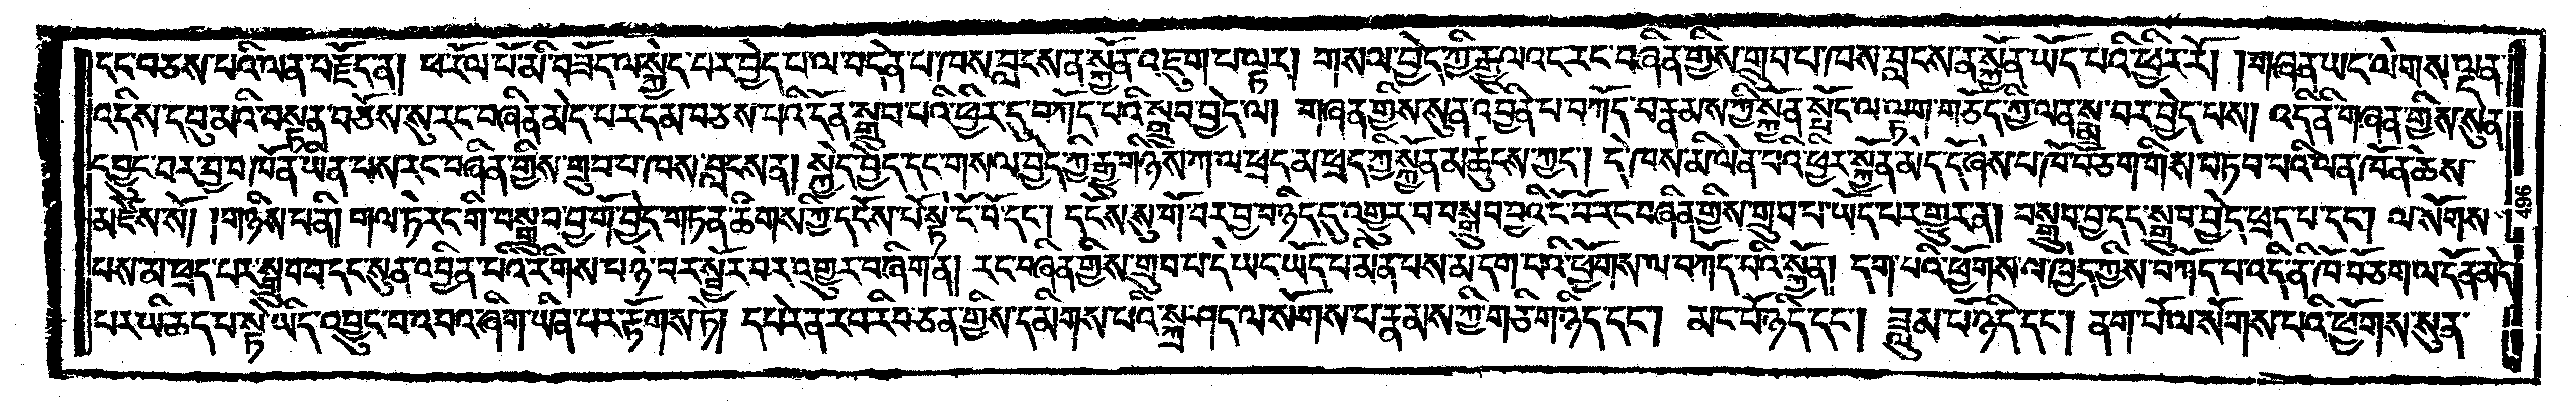དང་བཅས་པའི་ལན་བརྗོད་ན། ཕ་རོལ་པོ་མི་བཟོད་ལ་སྐྱེད་པར་བྱེད་པ་ལ་བདེན་པ་ཁས་བླངས་ན་སྐྱོན་འཇུག་པ་ལྟར། གསལ་བྱེད་ཀྱི་རྒྱུ་ལའང་རང་བཞིན་གྱིས་གྲུབ་པ་ཁས་བླངས་ན་སྐྱོན་ཡོད་པའི་ཕྱིར་རོ། །གཞན་ཡང་ལེགས་ལྡན་
འདིས་དབུ་མའི་བསྟན་བཅོས་སུ་རང་བཞིན་མེད་པར་དམ་བཅས་པའི་དོན་སྒྲུབ་པའི་ཕྱིར་དུ་བཀོད་བའི་སྒྲུབ་བྱེད་ལ། གཞན་གྱིས་སུན་འབྱིན་པ་བཀོད་པ་རྣམས་ཀྱི་སྐྱོན་སྤོང་ལ་ལྟག་གཅོད་ཀྱི་ལན་སྨྲ་བར་བྱེད་པས། འདི་ནི་གཞན་གྱིས་སུན་
དབྱུང་བར་བྱ་བ་ཁོ་ན་ཡིན་པས་རང་བཞིན་གྱིས་གྲུབ་པ་ཁས་བླངས་ན། སྐྱེད་བྱེད་དང་གསལ་བྱེད་ཀྱི་རྒྱུ་གཉིས་ཀ་ལ་ཕྲད་མ་ཕྲད་ཀྱི་སྐྱོན་མཚུངས་ཀྱང་། དེ་ཁས་མི་ལེན་པའི་ཕྱིར་སྐྱོན་མེད་དོ་ཞེས་པ་ཁོ་བོ་ཅག་གིས་བཏབ་པའི་ལན་ཁོ་ན་ཆེས་
མཛེས་སོ། །གཉིས་པ་ནི། གལ་ཏེ་རང་གི་བསྒྲུབ་བྱ་གོ་བྱེད་གཏན་ཚིགས་ཀྱི་དངོས་པོ་སྟེ་ངོ་བོ་དང་། དངོས་སུ་གོ་བར་བྱ་བ་ཉིད་དུ་འགྱུར་བ་བསྒྲུབ་བྱའི་ངོ་བོ་རང་བཞིན་གྱིས་གྲུབ་པ་ཡོད་པར་གྱུར་ན། བསྒྲུབ་བྱ་དང་སྒྲུབ་བྱེད་ཕྲད་པ་དང་། ལ་སོགས་
པས་མ་ཕྲད་པར་སྒྲུབ་པ་དང་སུན་འབྱིན་པའི་རིགས་པ་ཉེ་བར་སྦྱོར་བར་འགྱུར་བ་ཞིག་ན། རང་བཞིན་གྱིས་གྲུབ་པ་དེ་ཡང་ཡོད་པ་མིན་པས་མ་དག་པའི་ཕྱོགས་ལ་བཀོད་པའི་སྐྱོན། དག་པའི་ཕྱོགས་ལ་ཁྱེད་ཀྱིས་བཀོད་པ་འདི་ནི་ཁོ་བོ་ཅག་ལ་དོན་མེད་
པར་ཡི་ཆད་པ་སྟེ་ཡིད་འབྱུང་བ་འབའ་ཞིག་ཡིན་པར་རྟོགས་ཏེ། དཔེར་ན་རབ་རིབ་ཅན་གྱིས་དམིགས་པའི་སྐྲ་ཤད་ལ་སོགས་པ་རྣམས་ཀྱི་གཅིག་ཉིད་དང་། མང་པོ་ཉིད་དང་། ཟླུམ་པོ་ཉིད་དང་། ནག་པོ་ལ་སོགས་པའི་ཕྱོགས་སུན་